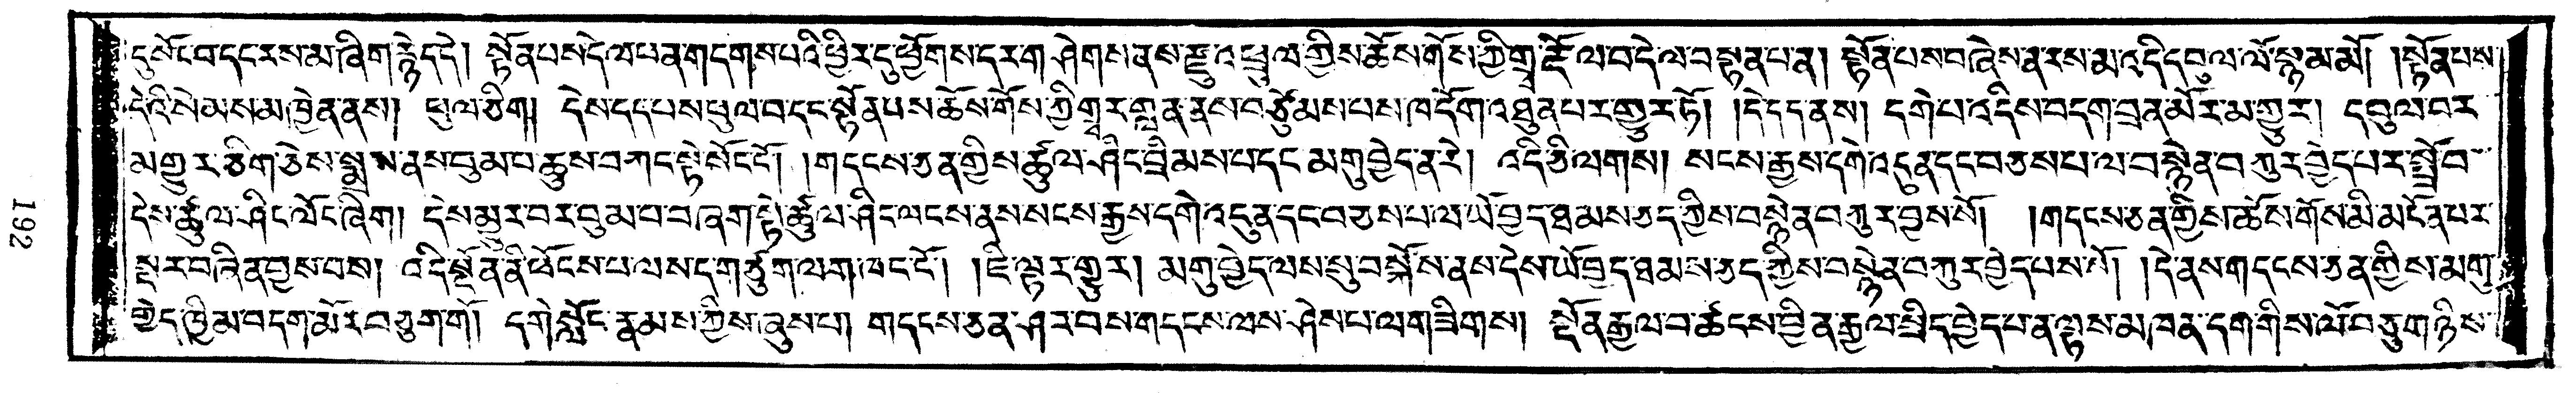དུ་སོང་བ་དང་རས་མ་ཞིག་རྙེད་དེ། སྟོན་པས་དེ་ལ་ཕན་གདགས་པའི་ཕྱིར་དུ་ཕྱོགས་དར་གཤེགས་ནས་རྫུ་འཕྲུལ་གྱིས་ཆོས་གོས་ཀྱི་གྲྭ་རྡོལ་བ་དེ་ལ་བསྟན་པ་ན། སྟོན་པས་བཞེས་ན་རས་མ་འདི་དབུལ་ལོ་སྙམ་མོ། །སྟོན་པས་
དེའི་སེམས་མཁྱེན་ནས། ཕུལ་ཅིག། དེས་དད་པས་ཕུལ་བ་དང་སྟོན་པས་ཆོས་གོས་ཀྱི་གྲྭར་གླན་ནས་བཅུཨོ?་མས་པས་ཁ་དོག་འཐུན་པར་གྱུར་ཏོ། །དེ་དད་ནས། དགེ་བ་འདིས་བདག་བྲན་མོར་མ་གྱུར། དབུལ་བར་
མ་གྱུར་ཅིག་ཅེས་སྨྲས་ནས་བུམ་པ་ཆུས་བཀང་སྟེ་སོང་ངོ། །གདངས་ཅན་གྱིས་ཚུལ་ཤིང་བྲིམས་པ་དང་མགུ་བྱེད་ན་རེ། འདི་ཅི་ལགས། སངས་རྒྱས་དགེ་འདུན་དང་བཅས་པ་ལ་བསྙེན་བཀུར་བྱེད་པར་སྤྲོ་བ་
དེས་ཚུལ་ཤིང་ལོང་ཞིག། དེས་མྱུར་བར་བུམ་པ་བཞག་སྟེ་ཚུལ་ཤིང་ལངས་ནས་སངས་རྒྱས་དགེ་འདུན་དང་བཅས་པ་ལ་ཡོ་བྱད་ཐམས་ཅད་ཀྱིས་བསྙེན་བཀུར་བྱས་སོ། །གདངས་ཅན་གྱིས་ཆོས་གོས་མི་མངོན་པར་
སྔར་བཞིན་བྱས་པས། འདི་སྔོན་ནི་ཕོངས་པ་ལས་ད་གཙུག་ལག་ཁང་ངོ། །ཇི་ལྟར་གྱུར། མགུ་བྱེད་ལས་སུ་བསྐོས་ནས་དེས་ཡོ་བྱད་ཐམས་ཅད་ཀྱིས་བསྙེན་བཀུར་བྱེད་པས་སོ། །དེ་ནས་གདངས་ཅན་གྱིས་མགུ་
གྱེད་ཁྱིམ་བདག་མོར་བཅུག་གོ། དགེ་སློང་རྣམས་ཀྱིས་ཞུས་པ། གདངས་ཅན་ཤར་བས་གདངས་ལས་ཤེས་པ་ལ་གཟིགས། སྔོན་རྒྱལ་བ་ཚངས་བྱིན་རྒྱལ་སྲིད་བྱེད་པ་ན་ལྟས་མཁན་དག་གིས་ལོ་བཅུ་གཉིས་